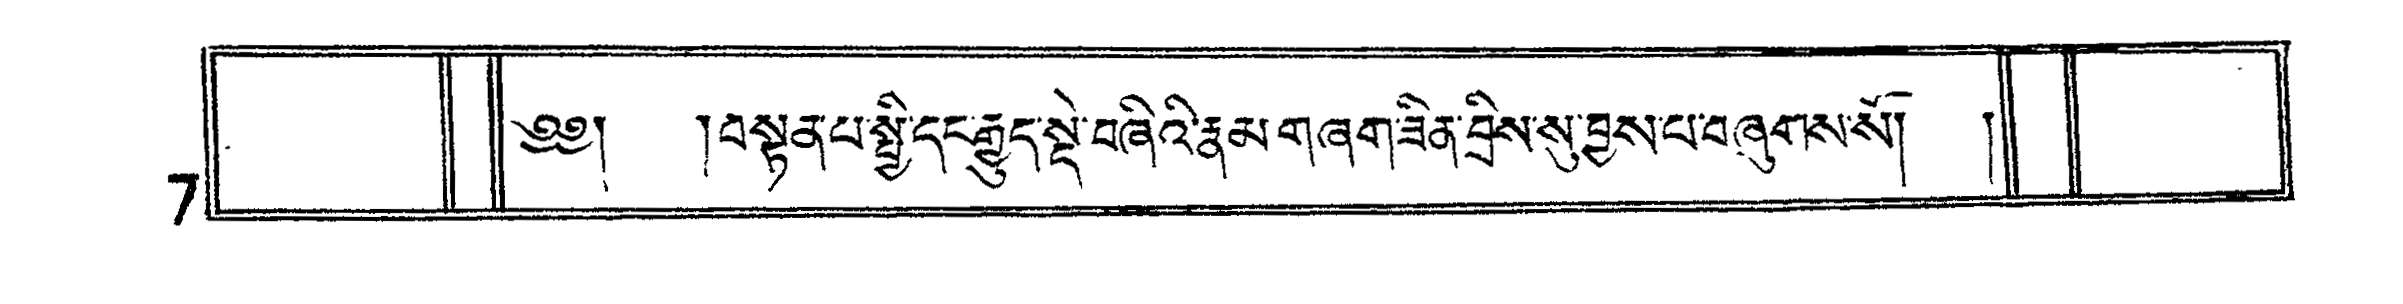༄༅། །བསྟན་པ་སྤྱི་དང་རྒྱུད་སྡེ་བཞིའི་རྣམ་གཞག་ཟིན་བྲིས་སུ་བྱས་པ་བཞུགས་སོ། །